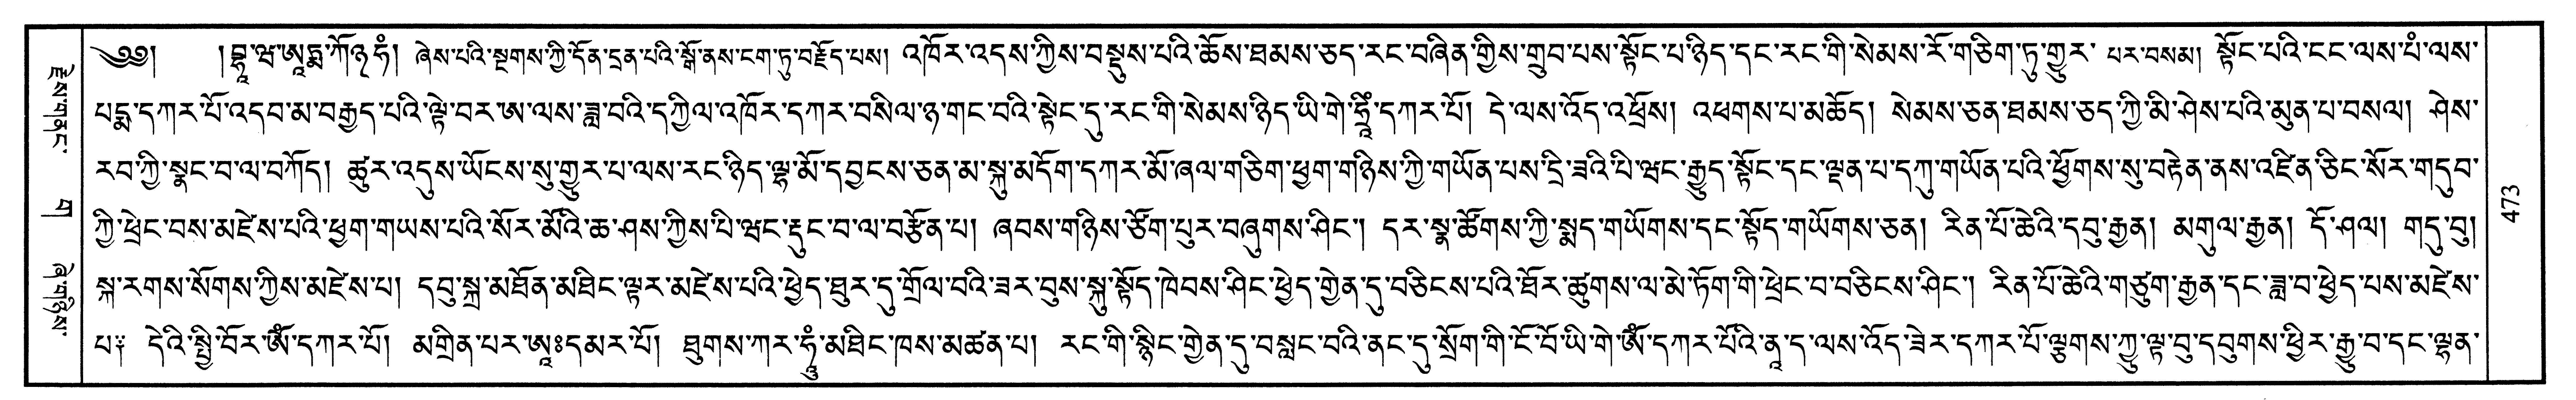༄༅། །བྷཱ་ཝ་ཨཱཏྨ་ཀོཉ་ཧཾ། ཞེས་པའི་སྔགས་ཀྱི་དོན་དྲན་པའི་སྒོ་ནས་ངག་ཏུ་བརྗོད་པས། འཁོར་འདས་ཀྱིས་བསྡུས་པའི་ཆོས་ཐམས་ཅད་རང་བཞིན་གྱིས་གྲུབ་པས་སྟོང་པ་ཉིད་དང་རང་གི་སེམས་རོ་གཅིག་ཏུ་གྱུར་པར་བསམ། སྟོང་པའི་ངང་ལས་པཾ་ལས་
པདམ་དཀར་པོ་འདབ་མ་བརྒྱད་པའི་ལྟེ་བར་ཨ་ལས་ཟླ་བའི་དཀྱིལ་འཁོར་དཀར་བསིལ་ཉ་གང་བའི་སྟེང་དུ་རང་གི་སེམས་ཉིད་ཡི་གེ་ཧྲཱིཾ་དཀར་པོ། དེ་ལས་འོད་འཕྲོས། འཕགས་པ་མཆོད། སེམས་ཅན་ཐམས་ཅད་ཀྱི་མི་ཤེས་པའི་མུན་པ་བསལ། ཤེས་
རབ་ཀྱི་སྣང་བ་ལ་བཀོད། ཚུར་འདུས་ཡོངས་སུ་གྱུར་པ་ལས་རང་ཉིད་ལྷ་མོ་དབྱངས་ཅན་མ་སྐུ་མདོག་དཀར་མོ་ཞལ་གཅིག་ཕྱག་གཉིས་ཀྱི་གཡོན་པས་དྲི་ཟའི་པི་ཝང་རྒྱུད་སྟོང་དང་ལྡན་པ་དཀུ་གཡོན་པའི་ཕྱོགས་སུ་བརྟེན་ནས་འཛིན་ཅིང་སོར་གདུབ་
ཀྱི་ཕྲེང་བས་མཛེས་པའི་ཕྱག་གཡས་པའི་སོར་མོའི་ཆ་ཤས་ཀྱིས་པི་ཝང་རྡུང་བ་ལ་བརྩོན་པ། ཞབས་གཉིས་ཙོག་པུར་བཞུགས་ཤིང་། དར་སྣ་ཚོགས་ཀྱི་སྨད་གཡོགས་དང་སྟོད་གཡོགས་ཅན། རིན་པོ་ཆེའི་དབུ་རྒྱན། མགུལ་རྒྱན། དོ་ཤལ། གདུ་བུ།
སྐ་རགས་སོགས་ཀྱིས་མཛེས་པ། དབུ་སྐྲ་མཐོན་མཐིང་ལྟར་མཛེས་པའི་ཕྱེད་ཐུར་དུ་གྲོལ་བའི་ཟར་བུས་སྐུ་སྟོད་ཁེབས་ཤིང་ཕྱེད་གྱེན་དུ་བཅིངས་པའི་ཐོར་ཚུགས་ལ་མེ་ཏོག་གི་ཕྲེང་བ་བཅིངས་ཤིང་། རིན་པོ་ཆེའི་གཙུག་རྒྱན་དང་ཟླ་བ་ཕྱེད་པས་མཛེས་
པ༑ དེའི་སྤྱི་བོར་ཨོཾ་དཀར་པོ། མགྲིན་པར་ཨཱཿ དམར་པོ། ཐུགས་ཀར་ཧཱུཾ་མཐིང་ཁས་མཚན་པ། རང་གི་སྙིང་གྱེན་དུ་བསླང་བའི་ནང་དུ་སྲོག་གི་ངོ་བོ་ཡི་གེ་ཨོཾ་དཀར་པོའི་ནཱ་ད་ལས་འོད་ཟེར་དཀར་པོ་ལྕགས་ཀྱུ་ལྟ་བུ་དབུགས་ཕྱིར་རྒྱུ་བ་དང་ལྷན་